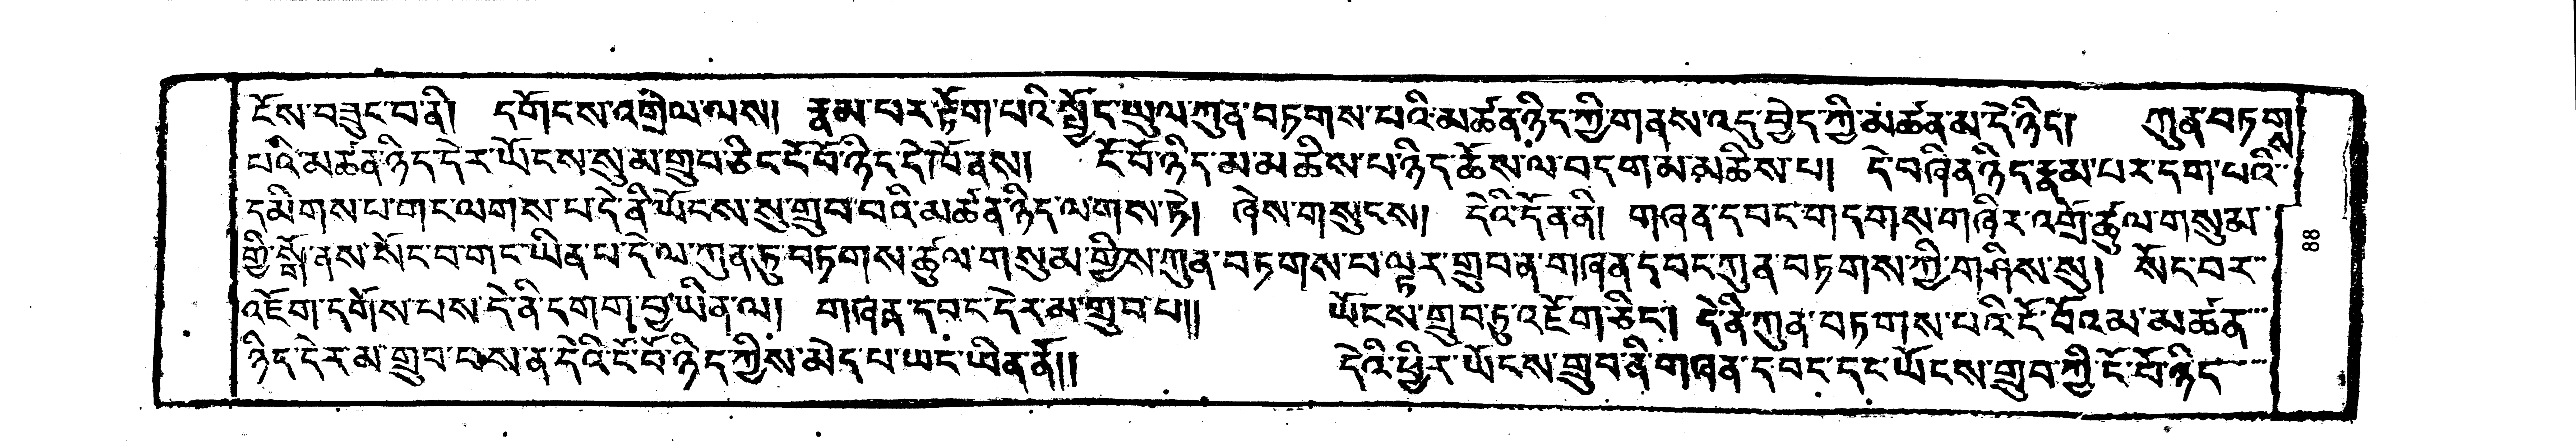ངོས་བཟུང་བ་ནི། དགོངས་འགྲེལ་ལས། རྣམ་པར་རྟོག་པའི་སྤྱོད་ཡུལ་ཀུན་བཏགས་པའི་མཚན་ཉིད་ཀྱི་གནས་འདུ་བྱེད་ཀྱི་མཚན་མ་དེ་ཉིད། ཀུན་བཏགས་
པའི་མཚན་ཉིད་དེར་ཡོངས་སུ་མ་གྲུབ་ཅིང་ངོ་བོ་ཉིད་དེ་ཁོ་ནས། ངོ་བོ་ཉིད་མ་མཆིས་པ་ཉིད་ཆོས་ལ་བདག་མ་མཆིས་པ། དེ་བཞིན་ཉིད་རྣམ་པར་དག་པའི་
དམིགས་པ་གང་ལགས་པ་དེ་ནི་ཡོངས་སུ་གྲུབ་པའི་མཚན་ཉིད་ལགས་ཏེ། ཞེས་གསུངས། དེའི་དོན་ནི། གཞན་དབང་གདགས་གཞིར་འགྲོ་ཚུལ་གསུམ་
གྱི་སྒོ་ནས་སོང་བ་གང་ཡིན་པ་དེ་ལ་ཀུན་ཏུ་བཏགས་ཚུལ་གསུམ་གྱིས་ཀུན་བཏགས་པ་ལྟར་གྲུབ་ན་གཞན་དབང་ཀུན་བཏགས་ཀྱི་གཤིས་སུ། སོང་བར་
འཇོག་དགོས་པས་དེ་ནི་དགག་བྱ་ཡིན་ལ། གཞན་དབང་དེར་མ་གྲུབ་པ། །ཡོངས་གྲུབ་ཏུ་འཇོག་ཅིང་། དེ་ནི་ཀུན་བཏགས་པའི་ངོ་བོའམ་མཚན་
ཉིད་དེར་མ་གྲུབ་པས་ན་དེའི་ངོ་བོ་ཉིད་ཀྱིས་མེད་པ་ཡང་ཡིན་ནོ། །དེའི་ཕྱིར་ཡོངས་གྲུབ་ནི་གཞན་དབང་དང་ཡོངས་གྲུབ་ཀྱི་ངོ་བོ་ཉིད་